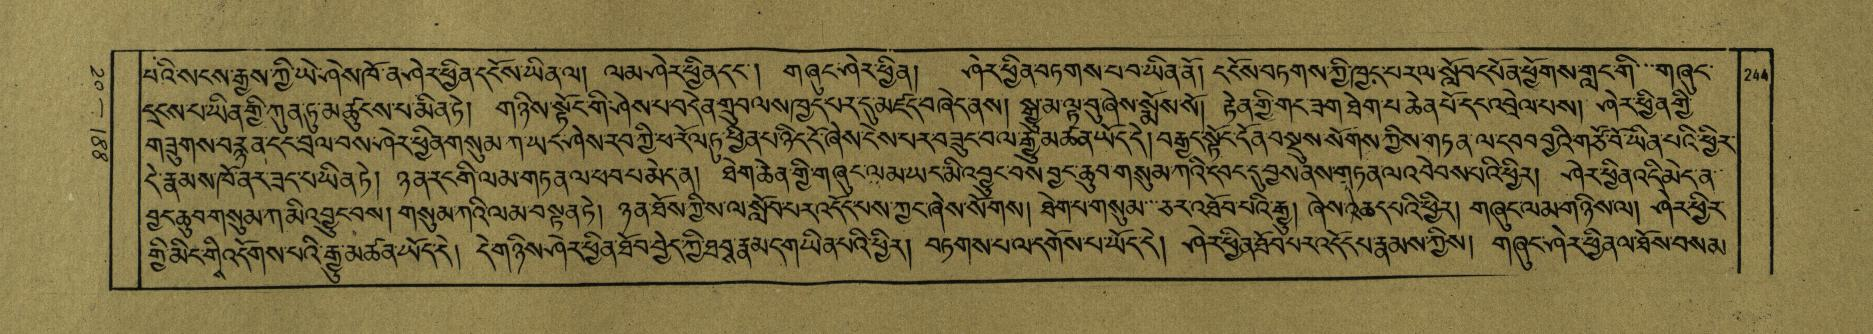པའི་སངས་རྒྱས་ཀྱི་ཡེ་ཤེས་ཁོ་ན་ཤེར་ཕྱིན་དངོས་ཡིན་ལ། ལམ་ཤེར་ཕྱིན་དང་། གཞུང་ཤེར་ཕྱིན། ཤེར་ཕྱིན་བཏགས་པ་བ་ཡིན་ནོ། དངོས་བཏགས་ཀྱི་ཁྱད་པར་ལ་སློབ་དཔོན་ཕྱོགས་གླང་གི་གཞུང་
དྲངས་པ་ཡིན་གྱི་ཀུན་ཏུ་མཚུངས་པ་མིན་ཏེ། གཉིས་སྟོང་གི་ཤེས་པ་བདེན་གྲུབ་ལས་ཁྱད་པར་དུ་མཛད་བཞེད་ནས། སྒྱུ་མ་ལྟ་བུ་ཞེས་སྨོས་སོ། རྟེན་གྱི་གང་ཟག་ཐེག་པ་ཆེན་པོ་དང་འབྲེལ་པས། ཤེར་ཕྱིན་གྱི་
གཟུགས་བརྙན་དང་བྲལ་བས་ཤེར་ཕྱིན་གསུམ་ཀ་ཡང་ཤེས་རབ་ཀྱི་ཕ་རོལ་ཏུ་ཕྱིན་པ་ཉིད་དོ་ཞེས་ངེས་པར་བཟུང་བ་ལ་རྒྱུ་མཚན་ཡོད་དེ། བརྒྱད་སྟོང་དོན་བསྡུས་སོགས་ཀྱིས་གཏན་ལ་དབབ་བྱའི་གཙོ་བོ་ཡིན་པའི་ཕྱིར་
དེ་རྣམས་ཁོ་ནར་ཟད་པ་ཡིན་ཏེ། ཉན་རང་གི་ལམ་གཏན་ལ་ཕབ་པ་མེད་ན། ཐེག་ཆེན་གྱི་གཞུང་ལམ་ཡང་མི་འབྱུང་བས་བྱང་ཆུབ་གསུམ་ཀའི་དབང་དུ་བྱས་ནས་གཏན་ལ་འབེབས་པའི་ཕྱིར། ཤེར་ཕྱིན་འདི་མེད་ན་
བྱང་ཆུབ་གསུམ་ཀ་མི་འབྱུང་བས། གསུམ་ཀའི་ལམ་བསྟན་ཏེ། ཉན་ཐོས་ཀྱི་ས་ལ་སློབ་པར་འདོད་པས་ཀྱང་ཞེས་སོགས། ཐེག་པ་གསུམ་ཅར་འཐོབ་པའི་རྒྱུ། ཞེས་འཆད་པའི་ཕྱིར། གཞུང་ལམ་གཉིས་ལ། ཤེར་ཕྱིར་
གྱི་མིང་གིས་འདོགས་པའི་རྒྱུ་མཚན་ཡོད་དེ། དེ་གཉིས་ཤེར་ཕྱིན་ཐོབ་བྱེད་ཀྱི་ཐབས་རྣམ་དག་ཡིན་པའི་ཕྱིར། བཏགས་པ་ལ་དགོས་པ་ཡོད་དེ། ཤེར་ཕྱིན་ཐོབ་པར་འདོད་པ་རྣམས་ཀྱིས། གཞུང་ཤེར་ཕྱིན་ལ་ཐོས་བསམ་